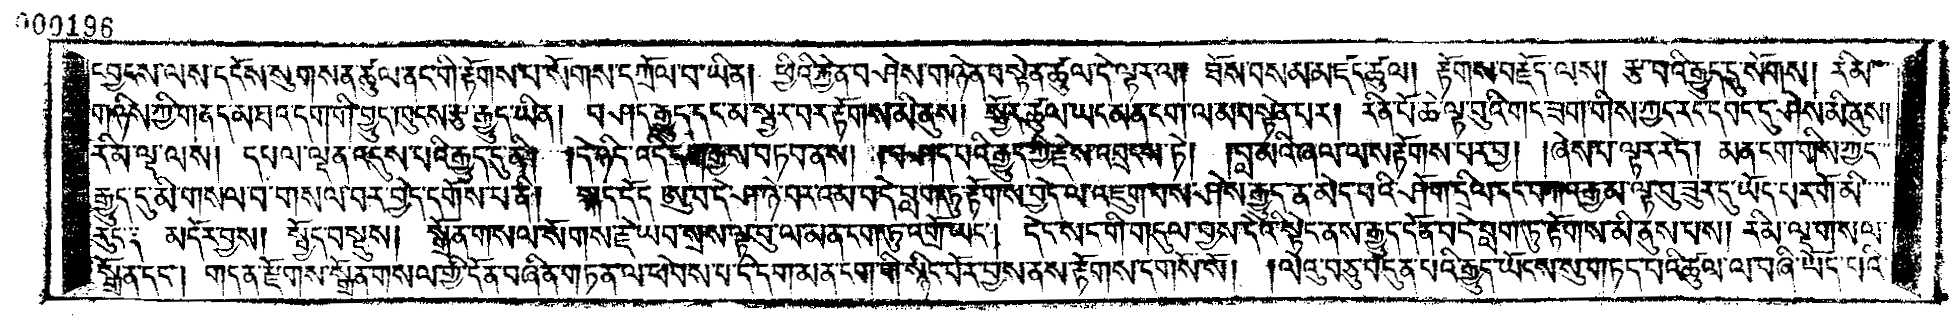དབྱངས་ལས་དངོས་སུ་གསན་ཚུལ་ནང་གི་རྟོགས་པ་སོགས་དཀྲོལ་བ་ཡིན། ཕྱིའི་རྐྱེན་བཤེས་གཉེན་བསྟེན་ཚུལ་དེ་ལྟར་ལ། ཐོས་བསམ་མཛད་ཚུལ། རྟོགས་བརྗོད་ལས། རྩ་བའི་རྒྱུད་དུ་སོགས། རིམ་
གཉིས་ཀྱི་གནད་མཐའ་དག་གི་བྱུང་ཁུངས་རྩ་རྒྱུད་ཡིན། བཤད་རྒྱུད་དང་མ་སྦྱར་བར་རྟོགས་མི་ནུས། སྦྱོར་ཚུལ་ཡང་མན་ངག་ལ་མ་བསྟེན་པར། རིན་པོ་ཆེ་ལྟ་བུའི་གང་ཟག་གིས་ཀྱང་རང་དབང་དུ་ཤེས་མི་ནུས།
རིམ་ལྔ་ལས། དཔལ་ལྡན་འདུས་པའི་རྒྱུད་དུ་ནི། །དེ་ཉིད་འདི་དག་རྒྱས་བཏབ་ནས། །བཤད་པའི་རྒྱུད་ཀྱི་རྗེས་འབྲངས་ཏེ། །བླ་མའི་ཞལ་ལས་རྟོགས་པར་བྱ། །ཞེས་པ་ལྟར་རེད། མན་ངག་གིས་ཀྱང་
རྒྱུད་དུ་མི་གསལ་བ་གསལ་བར་བྱེད་དགོས་པ་ནི། སྐད་དོད་ཨུ་པ་དེ་ཤ་ཉེ་བར་འམ་བདེ་བླག་ཏུ་རྟོགས་བྱེད་ལ་འཇུག་པས་ཤེས་རྒྱུད་ན་མེད་པའི་ཤོག་དྲིལ་དང་བཀའ་རྒྱ་མ་ལྟ་བུ་ཟུར་དུ་ཡོད་པར་གོ་མི་
རུང༑ མདོར་བྱས། སྤྱོད་བསྡུས། སྒྲོན་གསལ་སོགས་རྗེ་ཡབ་སྲས་ལྟ་བུ་ལ་མན་ངག་ཏུ་འགྲོ་ཡང་། དེང་སང་གི་གདུལ་བྱས་དེའི་སྟེང་ནས་རྒྱུད་དོན་བདེ་བླག་ཏུ་རྟོགས་མི་ནུས་པས། རིམ་ལྔ་གསལ་
སྒྲོན་དང་། གདན་རྫོགས་སྒྲོན་གསལ་གྱི་དོན་བཞིན་གཏན་ལ་ཕེབས་པ་དེ་དག་མན་ངག་གི་སྙིང་པོར་བྱས་ནས་རྟོགས་དགོས་སོ། །ལེའུ་བཅུ་བདུན་པའི་རྒྱུད་ཡོངས་སུ་གཏད་པའི་ཚུལ་ལ་བཞི་ཡོད་པའི་